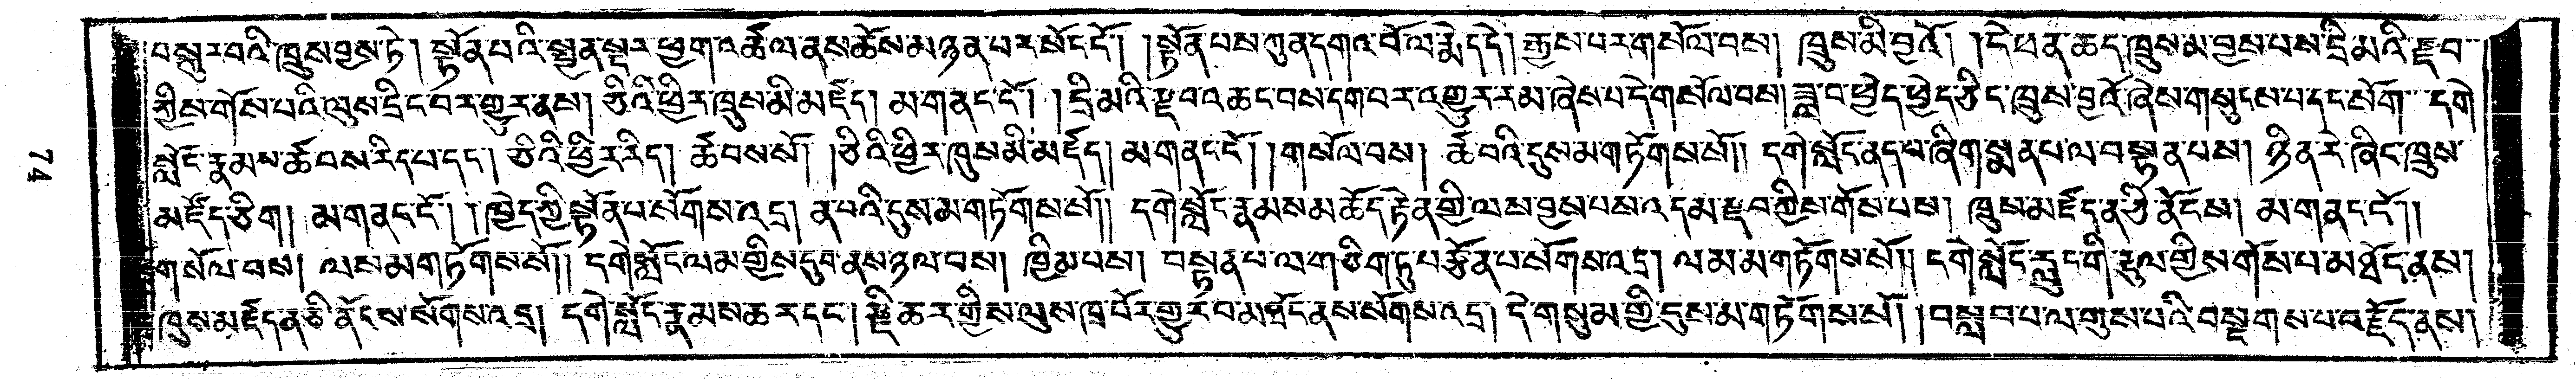བསྐུར་བའི་ཁྲུས་བྱས་ཏེ། སྟོན་པའི་སྤྱན་སྔར་ཕྱག་འཚལ་ནས་ཆོས་མཉན་པར་སོང་ངོ། །སྟོན་པས་ཀུན་དགའ་བོ་ལ་རྨེད་དེ། རྒྱས་པར་གསོལ་བས། ཁྲུས་མི་བྱའོ། །དེ་ཕན་ཆད་ཁྲུས་མ་བྱས་པས་དྲི་མའི་རྫབ་
ཀྱིས་གོས་པའི་ལུས་དྲིང་བར་གྱུར་ནས། ཅིའི་ཕྱིར་ཁྲུས་མི་མཛད། མ་གནང་ངོ། །དྲི་མའི་རྫབ་འཆང་བས་དག་བར་འགྱུར་རམ་ཞེས་པ་དེ་གསོལ་བས། ཟླ་བ་ཕྱེད་ཕྱེད་ཅིང་ཁྲུས་བྱའོ་ཞེས་གསུངས་པ་དང་སོག་དགེ་
སློང་རྣམས་ཚ་བས་རིད་པ་དང་། ཅིའི་ཕྱིར་རིད། ཚ་བས་སོ། །ཅིའི་ཕྱིར་ཁུས་མི་མཛད། མ་གནང་ངོ། །གསོལ་བས། ཚ་བའི་དུས་མ་གཏོགས་སོ། །དགེ་སློང་ནད་པ་ཞིག་སྨན་པ་ལ་བསྟན་པས། ཉིན་རེ་ཞིང་ཁྲུས་
མཛོད་ཅིག། མ་གནང་ངོ། །ཁྱེད་ཀྱི་སྟོན་པ་སོགས་འདྲ། ན་པའི་དུས་མ་གཏོགས་སོ། །དགེ་སློང་རྣམས་མཆོད་རྟེན་གྱི་ལས་བྱས་པས་འདམ་རྫབ་ཀྱིས་གོས་པས། ཁྲུས་མཛད་ན་ཅི་ནོངས། མ་གནང་ངོ།།
གསོལ་བས། ལས་མ་གཏོགས་སོ། །དགེ་སློང་ལམ་གྱིས་དུབ་ནས་ཉལ་བས། ཁྱིམ་པས། བསྟན་པ་ལ་གཅིག་ཏུ་བརྩོན་པ་སོགས་འདྲ། ལམ་མ་གཏོགས་སོ། །དགེ་སློང་རླུང་གི་རྡུལ་གྱིས་གོས་པ་མཐོང་ནས།
ཁུས་མཛད་ན་ཅི་ནོངས་སོགས་འདྲ། དགེ་སློང་རྣམས་ཆར་དང་། རྫི་ཆར་གྱིས་ལུས་ཁྲ་བོར་གྱུར་བ་མཐོང་ནས་སོགས་འདྲ། དེ་གསུམ་གྱི་དུས་མ་གཏོགས་སོ། །བསླབ་པ་ལ་གུས་པའི་བསྔགས་པ་བརྗོད་ནས།